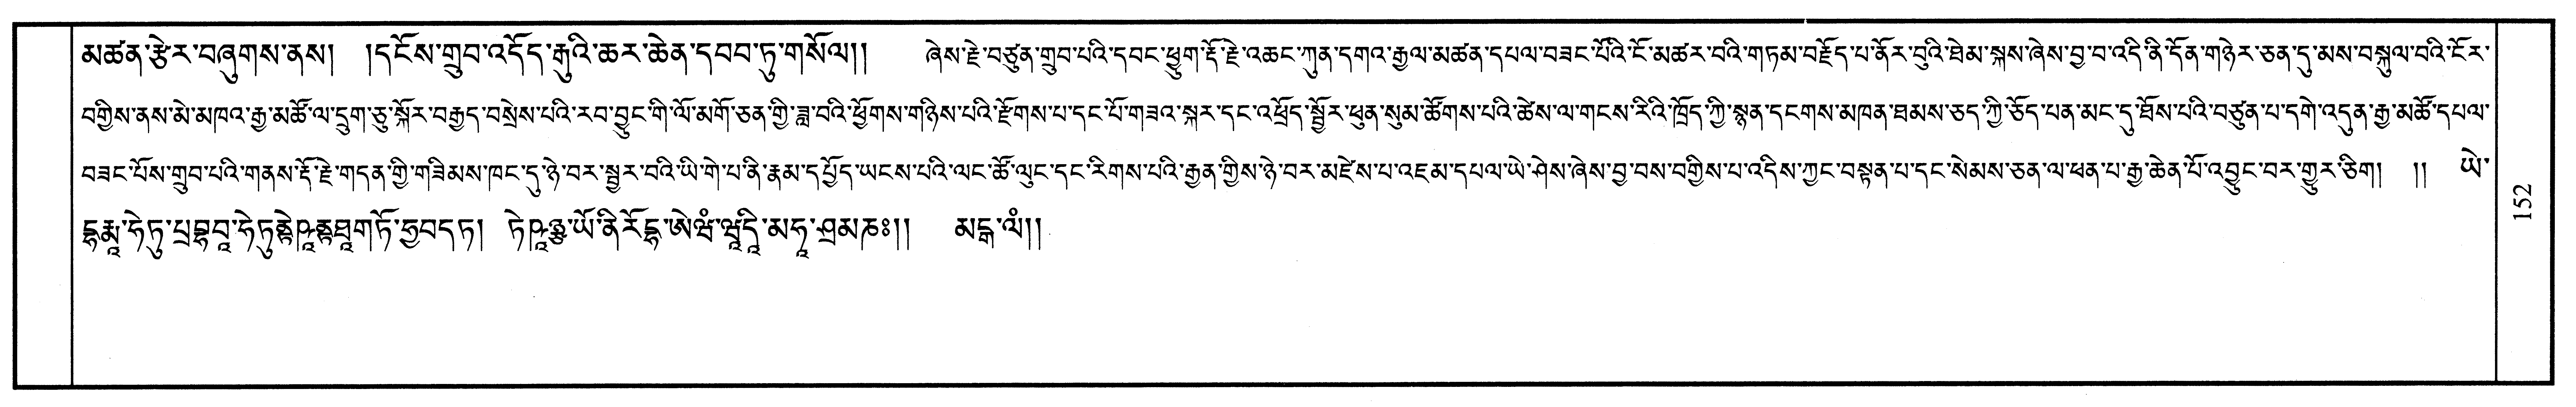མཚན་རྩེར་བཞུགས་ནས། །དངོས་གྲུབ་འདོད་རྒུའི་ཆར་ཆེན་དབབ་ཏུ་གསོལ།། ཞེས་རྗེ་བཙུན་གྲུབ་པའི་དབང་ཕྱུག་རྡོ་རྗེ་འཆང་ཀུན་དགའ་རྒྱལ་མཚན་དཔལ་བཟང་པོའི་ངོ་མཚར་བའི་གཏམ་བརྗོད་པ་ནོར་བུའི་ཐེམ་སྐས་ཞེས་བྱ་བ་འདི་ནི་དོན་གཉེར་ཅན་དུ་མས་བསྐུལ་བའི་ངོར་
བགྱིས་ནས་མེ་མཁའ་རྒྱ་མཚོ་ལ་དྲུག་ཅུ་སྐོར་བརྒྱད་བསྲེས་པའི་རབ་བྱུང་གི་ལོ་མགོ་ཅན་གྱི་ཟླ་བའི་ཕྱོགས་གཉིས་པའི་རྫོགས་པ་དང་པོ་གཟའ་སྐར་དང་འཕྲོད་སྦྱོར་ཕུན་སུམ་ཚོགས་པའི་ཚེས་ལ་གངས་རིའི་ཁྲོད་ཀྱི་སྙན་དངགས་མཁན་ཐམས་ཅད་ཀྱི་ཅོད་པན་མང་དུ་ཐོས་པའི་བཙུན་པ་དགེ་འདུན་རྒྱ་མཚོ་དཔལ་
བཟང་པོས་གྲུབ་པའི་གནས་རྡོ་རྗེ་གདན་གྱི་གཟིམས་ཁང་དུ་ཉེ་བར་སྦྱར་བའི་ཡི་གེ་པ་ནི་རྣམ་དཔྱོད་ཡངས་པའི་ལང་ཚོ་ལུང་དང་རིགས་པའི་རྒྱན་གྱིས་ཉེ་བར་མཛེས་པ་འཇམ་དཔལ་ཡེ་ཤེས་ཞེས་བྱ་བས་བགྱིས་པ་འདིས་ཀྱང་བསྟན་པ་དང་སེམས་ཅན་ལ་ཕན་པ་རྒྱ་ཆེན་པོ་འབྱུང་བར་གྱུར་ཅིག།། །།ཡེ་
དྷརྨཱ་ཧེཏུ་པྲབྷབཱ་ཧེཏུནྟེཥཱནྟཐཱགཏོ་ཧྱབདྟ། ཏེཥཱཉྩ་ཡོ་ནིརོངྷ་ཨེཝཾ་ཝཱདཱི་མཧཱ་ཤྲམྞཿ།། མངྒ་ལཾ།།